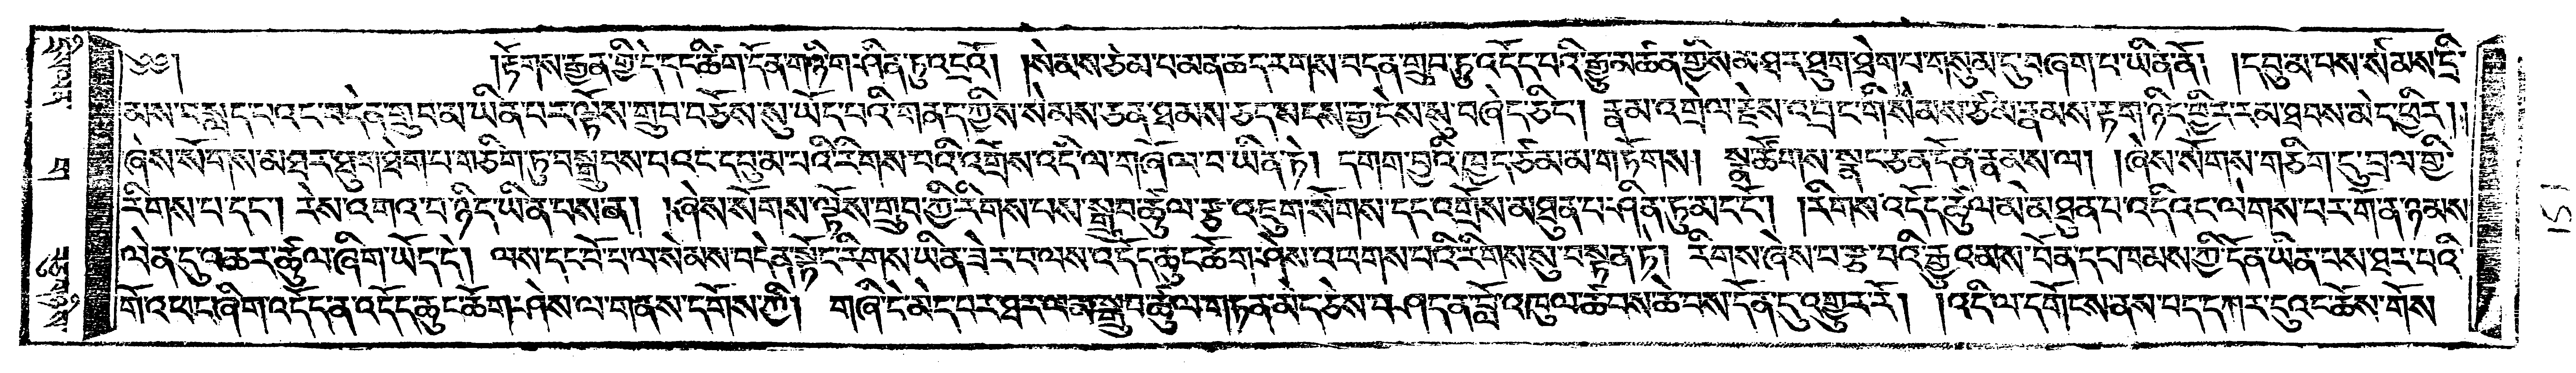༄༅། །རྟོགས་རྒྱན་གྱི་དེ་དང་ཚིག་དོན་གཉི་ག་ཤིན་ཏུ་འདྲའོ། །སེམས་ཙམ་པ་མན་ཆད་རིགས་བདེན་གྲུབ་ཏུ་འདོད་པའི་རྒྱུ་མཚན་གྱིས་མཐར་ཐུག་ཐེག་པ་གསུམ་དུ་བཞག་པ་ཡིན་ནོ། །དབུ་མ་པས་སེམས་དྲི་
མས་བསླད་པའང་བདེན་གྲུབ་མ་ཡིན་པར་ལྟོས་གྲུབ་བཅོས་སུ་ཡོང་བའི་གནད་ཀྱིས་སེམས་ཅན་ཐམས་ཅད་སངས་རྒྱ་ངེས་སུ་བཞེད་ཅིང་། རྣམ་འགྲེལ་རྗེས་འབྲང་གི་སེམས་ཙམ་རྣམས་རྟག་ཉིད་བྱིར་རམ་ཐབས་མེད་ཕྱིར།།
ཞེས་སོགས་མཐར་ཐུག་ཐེག་པ་གཅིག་ཏུ་བསྒྲུབས་པའང་དབུ་མ་པའི་རིགས་པའི་འགྲོས་འདི་ལ་གཞོལ་བ་ཡིན་ཏེ། དགག་བྱའི་ཁྱད་ཙམ་མ་གཏོགས། སྣ་ཚོགས་སྣང་ཅན་དོན་རྣམས་ལ། །ཞེས་སོགས་གཅིག་དུ་བྲེལ་གྱི་
རིགས་པ་དང་། རེས་འགའ་བ་ཉིད་ཡིན་པས་ན། །ཞེས་སོགས་ལྟོས་གྲུབ་ཀྱི་རིགས་པས་སྒྲུབ་ཚུལ་རྩ་འཇུག་སོགས་དང་འགྲོས་མཐུན་པ་ཤིན་ཏུ་མང་ངོ། །རིགས་འདོད་ཚུལ་མི་མཐུན་བ་འདིའང་ལེགས་པར་གོ་ན་ཉམས་
ལེན་དུ་འཆར་ཚུལ་ཞིག་ཡོད་དེ། ལས་དང་པོ་པ་ལ་སེམས་བདེན་སྟོང་རིགས་ཡིན་ཟེར་བ་ལས་འདོད་ཆུང་ཆོག་ཤེས་འཕགས་པའི་རིགས་སུ་བསྟན་ཏེ། རིགས་ཞེས་པ་རྩ་བའི་རྒྱུའམ་ས་བོན་དང་ཁམས་ཀྱི་དོན་ཡིན་པས་ཐར་པའི་
གོ་འཕང་ཞིག་འདོད་ན་འདོད་ཆུང་ཆོག་ཤེས་ལ་གནས་དགོས་ཀྱི། གཞི་དེ་མེད་བར་ཐར་ལམ་སྒྲུབ་ཚུལ་གཏན་མེད་ཅེས་བཤད་ན་བློ་འཁུལ་ཚབས་ཆེ་བས་དོན་དུ་འགྱུར་རོ། །འདི་ལ་དགོངས་ནས་པད་དཀར་དུའང་ཆོས་གོས་